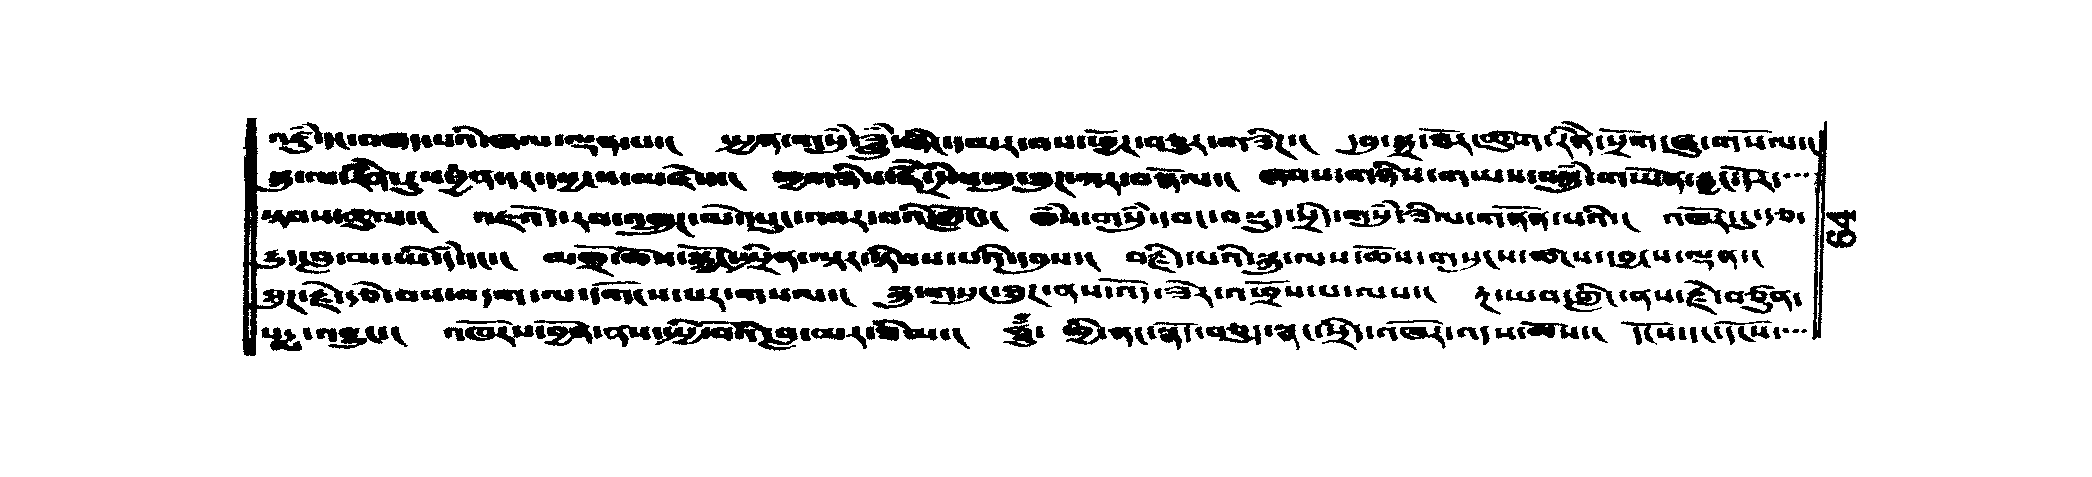འཛུམ་དང་བཞད་པའི་ཞལ་ལྡན་པ། །སྤྱན་གསུམ་ཟླུམ་ཞིང་དམར་བས་ཕྱོགས་བཅུར་གཟིགས། །དབུ་སྐྲ་ཐོར་ཚུགས་རིན་ཆེན་པྲོག་ཞུ་གསོལ། །
སྐུ་ལ་རིན་ཆེན་རུས་བརྒྱན་དར་དཔྱངས་མཛེས། །ཕྱག་གཉིས་རྡོ་རྗེ་དྲིལ་བུ་ཐུགས་ཀར་བསྣོལ། །ཞབས་གཉིས་གཡས་བསྐུམ་གཡོན་རྐྱང་དོར་
སྟབས་ཚུལ། །འཇའ་འོད་རབ་འཁྲུགས་མེ་དཔུང་འབར་བའི་ཀློང་། །ཁམས་གསུམ་དབང་བསྡུད་སྲིད་གསུམ་ཟིལ་གནོན་པའི། །འཁོར་དུ་རྩ་
རྒྱུད་བླ་མ་ཡི་དམ་དང་། །མཁའ་འགྲོ་ཆོས་སྐྱོང་སྤྲིན་ལྟར་སྟིབས་པའི་དབུས། །བརྗིད་པའི་སྐུ་ལས་ཆོས་གསུངས་ཚངས་དབྱངས་ལྡན། །
ཐུགས་རྗེ་བརྩེ་བས་བདག་ལ་དགོངས་པར་གསལ། །སྐུ་གསུང་ཐུགས་ནས་འོད་ཟེར་འཕྲོས་པ་ལས། །རྔ་ཡབ་གླིང་ནས་རྗེ་བཙུན་
པདྨ་འབྱུང་། །འཁོར་བཅས་བྱོན་ནས་སྤྱི་བོའི་བླ་མར་ཐིམ། ཧཱུྃ། ཕྱི་ནང་སྣོད་བཅུད་སྣང་སྲིད་འཁོར་འདས་ཆོས། །དངོས་དང་དངོས་